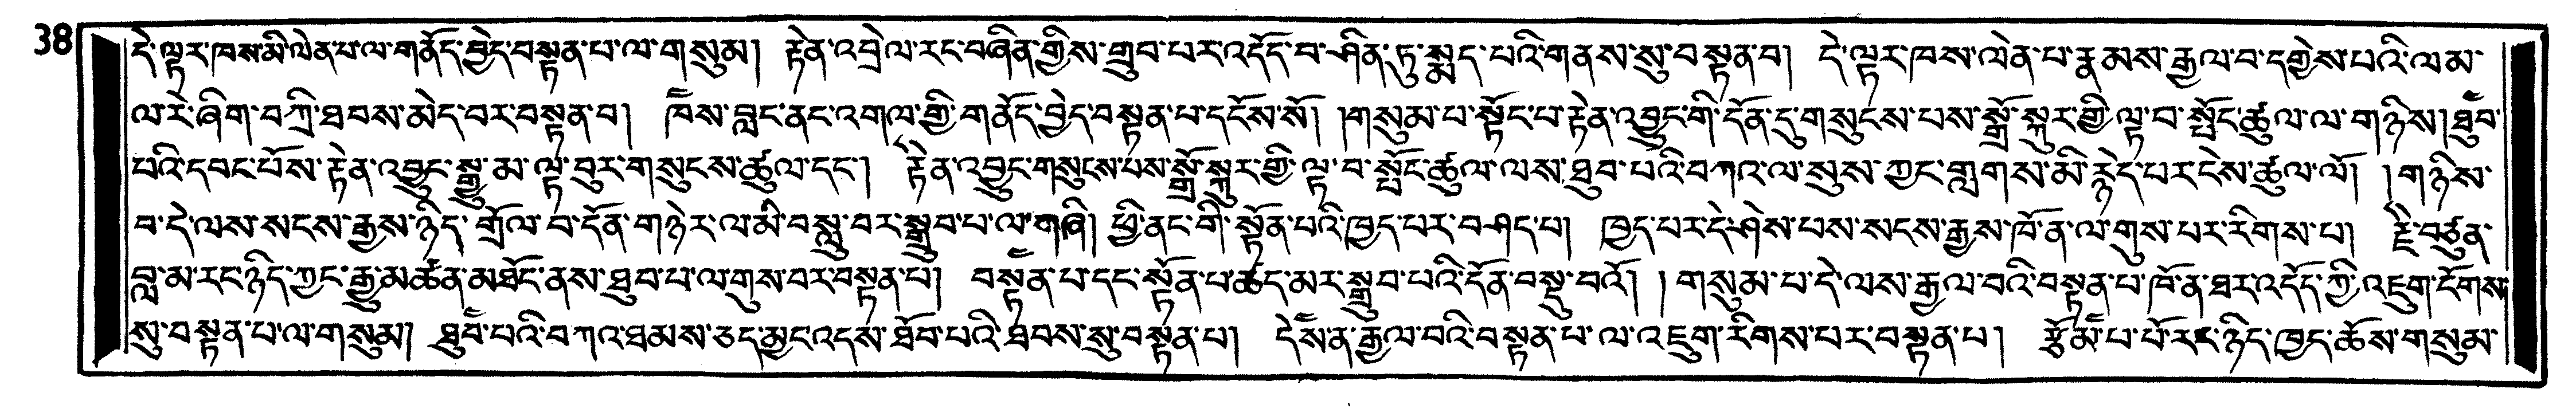དེ་ལྟར་ཁས་མི་ལེན་པ་ལ་གནོད་བྱེད་བསྟན་པ་ལ་གསུམ། རྟེན་འབྲེལ་རང་བཞིན་གྱིས་གྲུབ་པར་འདོད་བ་ཤིན་ཏུ་སྨད་པའི་གནས་སུ་བསྟན་བ། དེ་ལྟར་ཁས་ལེན་པ་རྣམས་རྒྱལ་བ་དགྱེས་པའི་ལམ་
ལ་རེ་ཞིག་བཀྲི་ཐབས་མེད་བར་བསྟན་བ། ཁས ༤་བླང་ནང་འགལ་གྱི་གནོད་བྱེད་བསྟན་པ་དངོས་སོ། །གསུམ་པ་སྟོང་པ་རྟེན་འབྱུང་གི་དོན་དུ་གསུངས་པས་སྒྲོ་སྐུར་གྱི་ལྟ་བ་སྤོང་ཚུལ་ལ་གཉིས། ཐུབ ༤
པའི་དབང་པོས་རྟེན་འབྱུང་སྒྱུ་མ་ལྟ་བུར་གསུངས་ཚུལ་དང་། ༤་རྟེན་འབྱུང་གསུངས་པས་སྒྲོ་སྐུར་གྱི་ལྟ་བ་སྤོང་ཚུལ་ལས་ཐུབ་པའི་བཀའ་ལ་སུས་ཀྱང་གླགས་མི་རྙེད་པར་ངེས་ཚུལ་ལོ། །གཉིས་
བ་དེ་ལས་སངས་རྒྱས་ཉིད་གྲོལ་བ་དོན་གཉེར་ལ་མི་བསླུ་བར་སྒྲུབ་པ་ལ་གཞི། ཕྱི་ནང་གི་སྟོན་པའི་ཁྱད་པར་བཤད་པ། ཁྱད་པར་དེ་ཤེས་པས་སངས་རྒྱས་ཁོ་ན་ལ་གུས་པར་རིགས་པ། ༨་རྗེ་བཙུན་
བླ་མ་རང་ཉིད་ཀྱང་རྒྱུ་མཚན་མཐོང་ནས་ཐུབ་པ་ལ་གུས་བར་བསྟན་པ། བསྟན ༤་པ་དང་སྟོན་པ་ཚད་མར་སྒྲུབ་པའི་དོན་བསྡུ་བའོ། །གསུམ་པ་དེ་ལས་རྒྱལ་བའི་བསྟན་པ་ཁོ་ན་ཐར་འདོད་ཀྱི་འཇུག་ངོགས་
སུ་བསྟན་པ་ལ་གསུམ། ཐུབ ༤་པའི་བཀའ་ཐམས་ཅད་མྱང་འདས་ཐོབ་པའི་ཐབས་སུ་བསྟན་པ། དེས ༤་ན་རྒྱལ་བའི་བསྟན་པ་ལ་འཇུག་རིགས་པར་བསྟན་པ། རྩོམ ༤་པ་པོ་རང་ཉིད་ཁྱད་ཆོས་གསུམ་